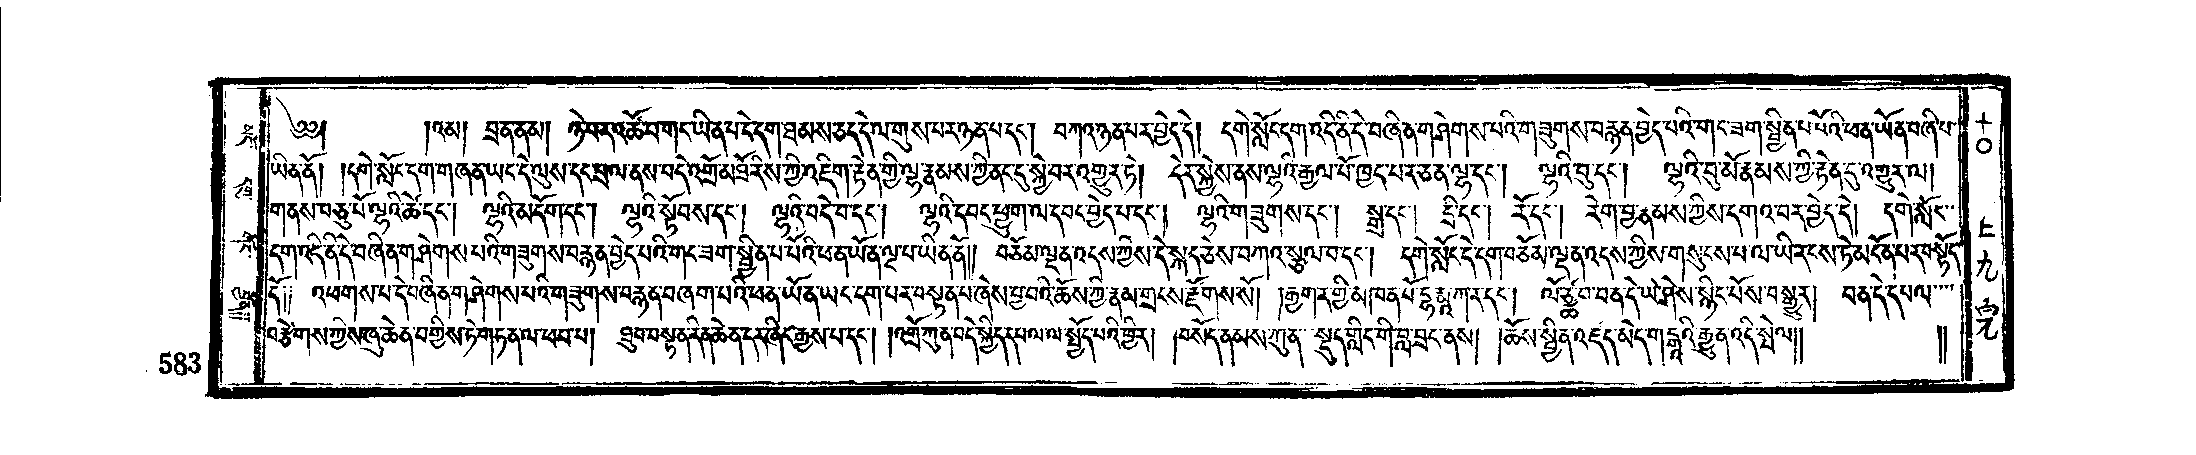༄༅། །འམ། བྲན་ནམ། ཉེ་བར་འཚོ་བ་གང་ཡིན་པ་དེ་དག་ཐམས་ཅད་དེ་ལ་གུས་པར་ཉན་པ་དང་། བཀའ་ཉན་པར་བྱེད་དེ། དགེ་སློང་དག་འདི་ནི་དེ་བཞིན་གཤེགས་པའི་གཟུགས་བརྙན་བྱེད་པའི་གང་ཟག་སྦྱིན་པ་པོའི་ཕན་ཡོན་བཞི་པ་
ཡིན་ནོ། །དགེ་སློང་དག་གཞན་ཡང་དེ་ལུས་དང་བྲལ་ནས་བདེ་འགྲོ་མཐོ་རིས་ཀྱི་འཇིག་རྟེན་གྱི་ལྷ་རྣམས་ཀྱི་ནང་དུ་སྐྱེ་བར་འགྱུར་ཏེ། དེར་སྐྱེས་ནས་ལྷའི་རྒྱལ་པོ་ཁྱད་པར་ཅན་ལྷ་དང་། ལྷའི་བུ་དང་། ལྷའི་བུ་མོ་རྣམས་ཀྱི་རྟེན་དུ་འགྱུར་ལ།
གནས་བཅུ་པོ་ལྷའི་ཚེ་དང་། ལྷའི་མདོག་དང་། ལྷའི་སྟོབས་དང་། ལྷའི་བདེ་བ་དང་། ལྷའི་དབང་ཕྱུག་ལ་དབང་བྱེད་པ་དང་། ལྷའི་གཟུགས་དང་། སྒྲ་དང་། དྲི་དང་། རོ་དང་། རེག་བྱ་རྣམས་ཀྱིས་དགའ་བར་བྱེད་དེ། དགེ་སློང་
དག་འདི་ནི་དེ་བཞིན་གཤེགས་པའི་གཟུགས་བརྙན་བྱེད་པའི་གང་ཟག་སྦྱིན་པ་པོའི་ཕན་ཡོན་ལྔ་པ་ཡིན་ནོ།། བཅོམ་ལྡན་འདས་ཀྱིས་དེ་སྐད་ཅེས་བཀའ་སྩལ་བ་དང་། དགེ་སློང་དེ་དག་བཅོམ་ལྡན་འདས་ཀྱིས་གསུངས་པ་ལ་ཡི་རངས་ཏེ་མངོན་པར་བསྟོད་
དོ༑༑ འཕགས་པ་དེ་བཞིན་གཤེགས་པའི་གཟུགས་བརྙན་བཞག་པའི་ཕན་ཡོན་ཡང་དག་པར་བསྟན་པ་ཞེས་བྱ་བའི་ཆོས་ཀྱི་རྣམ་གྲངས་རྫོགས་སོ། །རྒྱ་གར་གྱི་མཁན་པོ་དྷརྨཱ་ཀ་ར་དང་། ལོ་ཙྪ་བ་བན་དེ་ཡེ་ཤེས་སྙིང་པོས་བསྒྱུར། བན་དེ་དཔལ་
བརྩེགས་ཀྱིས་ཞུ་ཆེན་བགྱིས་ཏེ་གཏན་ལ་ཕབ་པ། ཐུབ་བསྟན་རིན་ཆེན་དར་ཞིང་རྒྱས་པ་དང་། །འགྲོ་ཀུན་བདེ་སྐྱིད་དཔལ་ལ་སྤྱོད་པའི་ཕྱིར། །བསོད་ནམས་ཀུན་སྡུད་གླིང་གི་བླ་བྲང་ནས། །ཆོས་སྦྱིན་འཛད་མེད་གངྒཱའི་རྒྱུན་འདི་སྤེལ།། །།